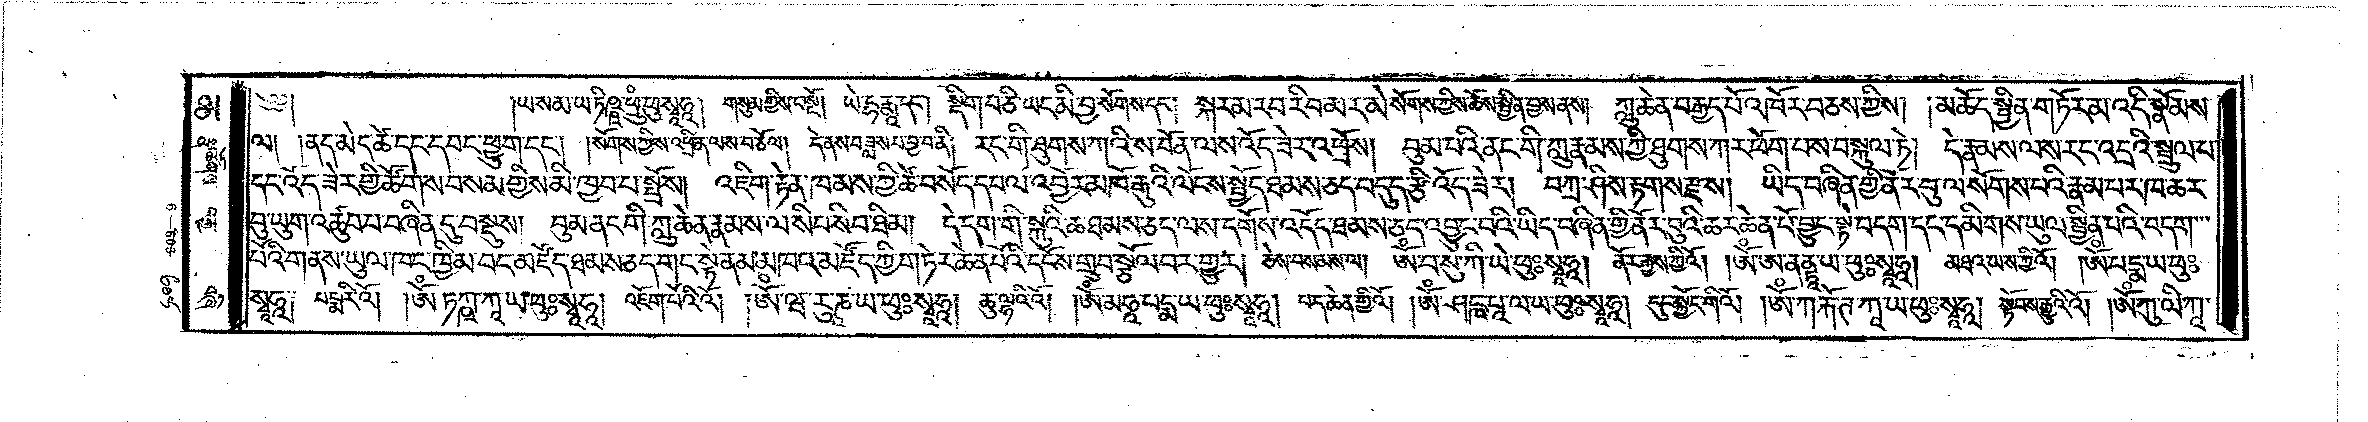༄༅། །ཡ་སམ་ཡ་ཏིཥྵ་ཕྲུཾ་ཕུ་སྭཱཧཱ། གསུམ་གྱིས་བསྔོ།  ཡེ་དྷརྨཱ་དང་། སྡིག་བ་ཅི་ཡང་མི་བྱ་སོགས་དང་། སྐར་མ་རབ་རིབ་མར་མེ་སོགས་ཀྱིས་ཆོས་སྦྱིན་བྱས་ནས།  ཀླུ་ཆེན་བརྒྱད་པོ་འཁོར་བཅས་ཀྱིས། ༑མཆོད་སྦྱིན་གཏོར་མ་འདི་སྣོམས་
ལ། །ནད་མེད་ཚེ་དང་དབང་ཕྱུག་དང་། །སོགས་ཀྱིས་འཕྲིན་ལས་བཅོལ། དེ་ནས་བཟླས་པ་བྱ་བ་ནི།  རང་གི་ཐུགས་ཀའི་ས་བོན་ལས་འོད་ཟེར་འཕྲོས། བུམ་པའི་ནང་གི་ཀླུ་རྣམས་ཀྱི་ཐུགས་ཀར་ཕོག་པས་བསྐུལ་ཏེ། དེ་རྣམས་ལས་རང་འདྲའི་སྦྲུལ་པ་
དང་འོད་ཟེར་གྱི་ཚོགས་བསམ་གྱིས་མི་ཁྱབ་པ་སྤྲོས། འཇིག་རྟེན་ཁམས་ཀྱི་ཚེ་བསོད་དཔལ་འབྱོར་མཁོ་རྒུའི་ལོངས་སྤྱོད་ཐམས་ཅད་བདུད་རྩི་འོད་ཟེར། བཀྲ་ཤིས་རྟགས་རྫས། ཡིད་བཞིན་གྱི་ནོར་བུ་ལ་སོགས་པའི་རྣམ་པར་ཁ་ཆར་
བུ་ཡུག་འཚུབ་པ་བཞིན་དུ་བསྡུས། བུམ་ནང་གི་ཀླུ་ཆེན་རྣམས་ལ་སིབ་སིབ་ཐིམ། དེ་དག་གི་སྐུའི་ཆ་ཐམས་ཅད་ལས་དགོས་འདོད་ཐམས་ཅད་འབྱུང་བའི་ཡིད་བཞིན་གྱི་ནོར་བུའི་ཆར་ཆེན་པོ་བྱུང་སྟེ་བདག་དང་དམིགས་ཡུལ་སྦྱིན་པའི་བདག་
པོའི་གནས་ཡུལ་ཁང་ཁྱིམ་བང་མཛོད་ཐམས་ཅད་གང་སྟེ་ནམ་མཁའ་མཛོད་ཀྱི་གཏེར་ཆེན་པོའི་དངོས་གྲུབ་སྩོལ་བར་གྱུར། ཅེས་བསམས་ལ།  ཨོཾ་བ་སུ་ཀི་ཡེ་ཕུཿསྭཱཧཱ། ནོར་རྒྱས་ཀྱིའོ།  །ཨོཾ་ཨ་ནནྟཱ་ཡ་ཕུཿསྭཱཧཱ། མཐའ་ཡས་ཀྱིའོ།  །ཨོཾ་པདམ་ཡ་ཕུཿ
སྭཱཧཱ༑ པདམ་རི་འོ།  །ཨོཾ་ཏཀྵ་ཀཱ་ཡ་ཕུཿསྭཱཧཱ། འཇོག་པོའི་འོ།  །ཨོཾ་ཝ་རུ་ཎཱ་ཡ་ཕུཿསྭཱཧཱ། ཆུ་ལྷའི་འོ།  །ཨོཾ་མཧཱ་པདམ་ཡ་ཕུཿསྭཱཧཱ། བདེ་ཆེན་གྱིའོ།  །ཨོཾ་ཤངྑ་པཱ་ལ་ཡ་ཕུཿསྭཱཧཱ། དུང་སྐྱོང་གིའོ།  །ཨོཾ་ཀ་རྐོཊ་ཀཱ་ཡ་ཕུཿསྭཱཧཱ། སྟོབས་རྒྱུའིའོ།  །ཨོཾ་ཀུ་ལི་ཀཱ་
ཕ༹ཕ༹་